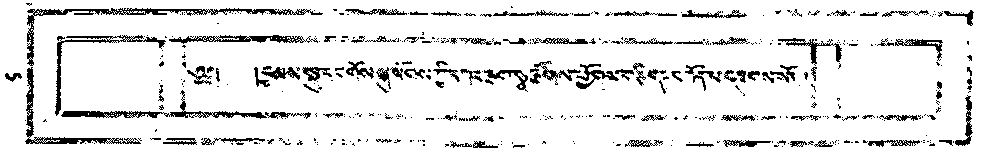༄༅། །བྱམས་སྐུ་དང་གོས་སྐུ་སོགས་ཀྱི་དཀར་ཆག་སྣ་ཚོགས་ཕྱོགས་གཅིག་ཏུ་བཀོད་པ་བཞུགས་སོ།